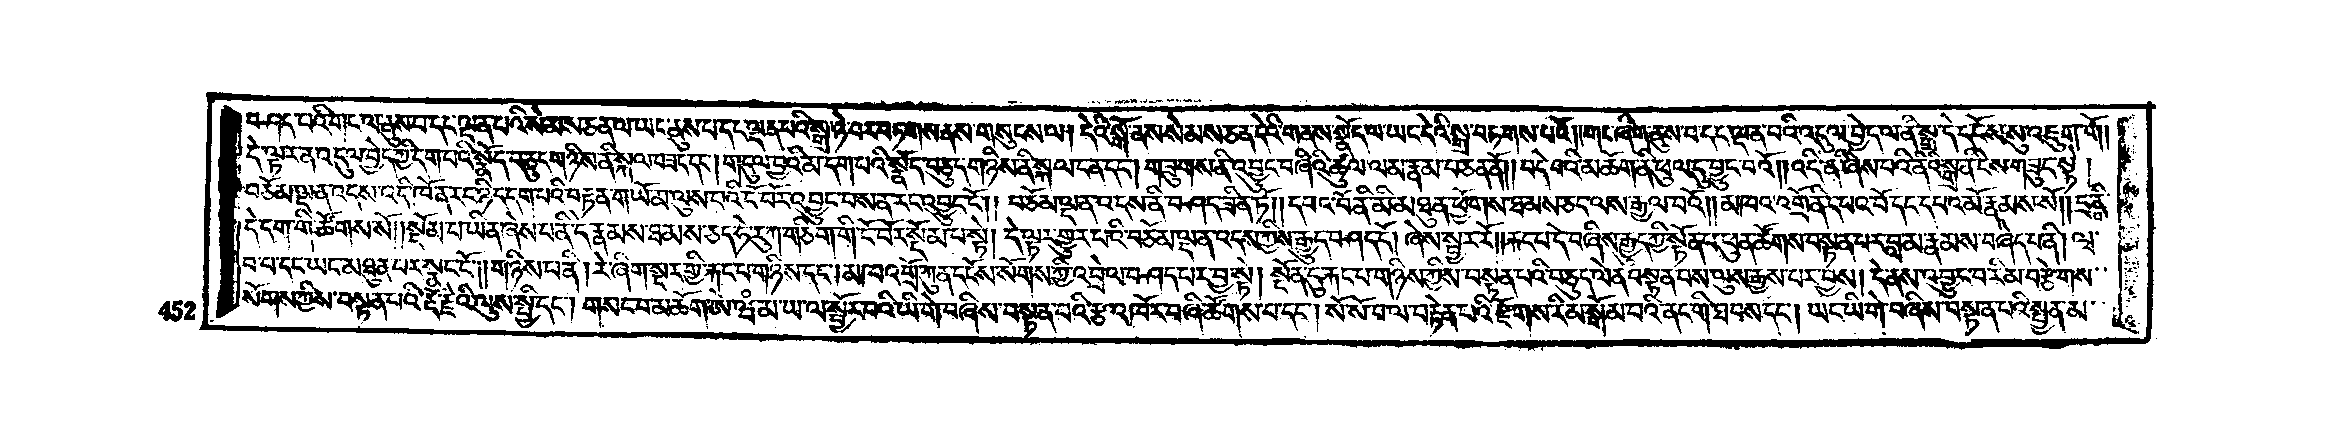བཤད་པའི་གང་ལ་ནུས་པ་དང་ལྡན་པའི་སེམས་ཅན་ལ་ཡང་ནུས་པ་དང་ལྡན་པའི་སྒྲ་ཉེ་བར་བཏགས་ནས་གསུངས་ལ། དེའི་སྒོ་ནས་སེམས་ཅན་དེའི་གནས་སྣོད་ལ་ཡང་དེའི་སྒྲ་བཏགས་པའོ། །གང་ཞིག་ནུས་པ་དང་ལྡན་པའི་འདུལ་བྱེད་ལ་ནི་སྒྲ་དེ་དངོས་སུ་འཇུག་གོ །
དེ་ལྟར་ན་འདུལ་བྱེད་ཀྱི་དག་པའི་སྣོད་བཅུད་གཉིས་ནི་སྐལ་བཟང་དང་། གདུལ་བྱའི་མ་དག་པའི་སྣོད་བཅུད་གཉིས་ནི་སྐལ་ངན་དང་། གཟུགས་ནི་འབྱུང་བཞིའི་ཚུལ་ལམ་རྣམ་པ་ཅན་ནོ། །བདེ་བའི་མཆོག་ནི་ཕུལ་དུ་བྱུང་བའོ། །འདི་ནི་ཞེས་པའི་ནིའི་སྒྲ་ནི་ངེས་གཟུང་སྟེ།
བཅོམ་ལྡན་འདས་འདི་ཁོ་ན་རང་ཉིད་དག་པའི་བརྟན་གཡོ་མ་ལུས་པའི་ངོ་བོར་འབྱུང་བས་ན་རང་འབྱུང་ངོ། །བཅོམ་ལྡན་འདས་ནི་བཤད་ཟིན་ཏོ། །དཔའ་བོ་ནི་མི་མཐུན་ཕྱོགས་ཐམས་ཅད་ལས་རྒྱལ་བའོ། །མཁའ་འགྲོ་ནི་དཔའ་བོ་དང་དཔའ་མོ་རྣམས་སོ། །དྲ་བ་ནི་
དེ་དག་གི་ཚོགས་སོ། །སྡོམ་པ་ཡིན་ཞེས་པ་ནི་དེ་རྣམས་ཐམས་ཅད་ཧེ་རུ་ཀ་གཅིག་གི་ངོ་བོར་སྡོམ་པ་སྟེ། དེ་ལྟར་གྱུར་པའི་བཅོམ་ལྡན་འདས་ཀྱིས་རྒྱུད་བཤད་དོ། ཞེས་སྦྱར་རོ། །རྐང་པ་དེ་བཞིས་རྒྱུད་ཀྱི་སྟོན་པ་ཕུན་ཚོགས་བསྟན་པར་བླ་མ་རྣམས་བཞེད་པ་ནི། ལྭ་
བ་པ་དང་ཡང་མཐུན་པར་སྣང་ངོ། །གཉིས་པ་ནི། རེ་ཞིག་སྔར་གྱི་རྐང་པ་གཉིས་དང་། མཁའ་འགྲོ་ཀུན་དངོས་སོགས་ཀྱི་འབྲེལ་བཤད་པར་བྱ་སྟེ། སྔོན་དུ་རྐང་པ་གཉིས་ཀྱིས་བསྟན་པའི་བཅུད་ལེན་བསྟན་པས་ལུས་རྒྱས་པར་བྱས། དེ་ནས་འབྱུང་བ་རིམ་བརྩེགས་
སོགས་ཀྱིས་བསྟན་པའི་རྡོ་རྗེའི་ལུས་སྤྱི་དང་། གསང་བ་མཆོག་ཨེ་ཝཾ་མ་ཡ་ལ་སྦྱོར་བའི་ཡི་གེ་བཞིས་བསྟན་པའི་རྩ་འཁོར་བཞི་ཚོགས་པ་དང་། སོ་སོ་བ་ལ་བརྟེན་པའི་རྫོགས་རིམ་སྒོམ་པའི་ནང་གི་ཐབས་དང་། ཡང་ཡི་གེ་བཞིས་བསྟན་པའི་སྤྱན་མ་